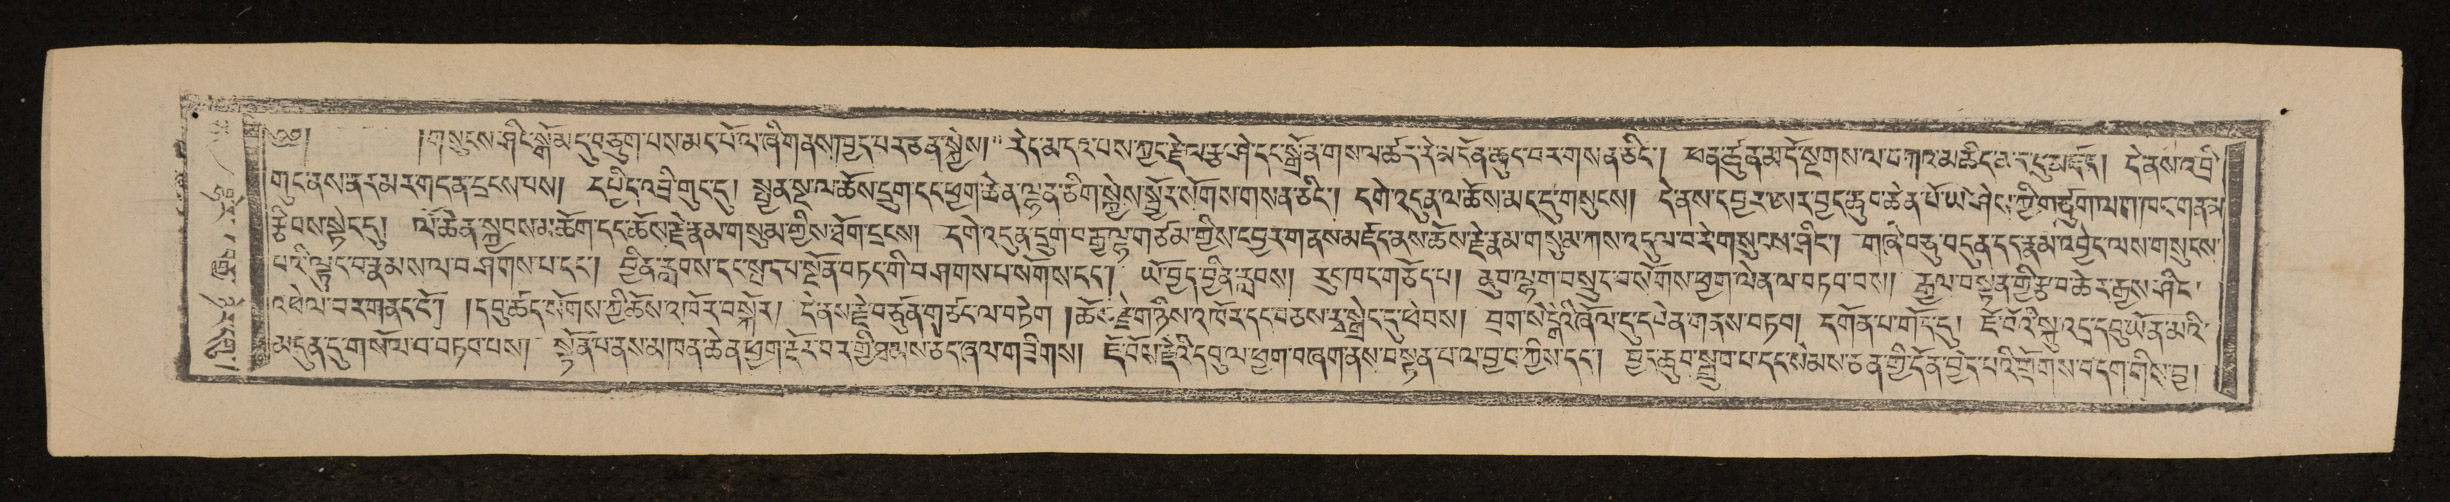༄༅། །གསུངས་ཤིང་སྒོམ་དུ་བཅུག་པས་མང་པོ་ལ་ཞི་གནས་ཁྱད་པར་ཅན་སྐྱེས། རེད་མདའ་པས་ཀྱང་རྗེ་ལ་རྩ་ཤེ་དང་སྒྲོན་གསལ་ཚར་རེ་མངོན་ཆུང་བར་གསན་ཅིང་། ཕན་ཚུན་མདོ་སྔགས་ལ་བཀའ་མཆིད་མང་དུ་མཛད། དེ་ནས་འབྲི་
གུང་ནས་ནར་མར་གདན་དྲངས་པས། དཔྱིད་འབྲི་གུང་དུ། སྤྱན་སྔ་ལ་ཆོས་དྲུག་དང་ཕྱག་ཆེན་ལྷན་ཅིག་སྐྱེས་སྦྱོར་སོགས་གསན་ཅིང་། དགེ་འདུན་ལ་ཆོས་མང་དུ་གསུངས། དེ་ནས་དབྱར་ཨར་བྱང་ཆུབ་ཆེན་པོ་ཡེ་ཤེས་ཀྱི་གཙུག་ལག་ཁང་གནམ་
རྩིབས་སྟེང་དུ། ལོ་ཆེན་སྐྱབས་མཆོག་དང་ཆོས་རྗེ་རྣམ་གསུམ་གྱིས་ཐོག་དྲངས། དགེ་འདུན་དྲུག་བརྒྱ་ལྷག་ཙམ་གྱིས་དབྱར་གནས་མཛད་ནས་ཆོས་རྗེ་རྣམ་གསུམ་ཀས་འདུལ་བ་རེ་གསུངས་ཤིང་། གཞི་བཅུ་བདུན་དང་རྣམ་འབྱེད་ལས་གསུངས་
པའི་ལྟུང་བ་རྣམས་ལ་བཤགས་པ་དང་། བྱིན་རླབས་དང་སྤང་བ་སྔོན་བཏང་གི་བཤགས་པ་སོགས་དང་། ཡོ་བྱད་བྱིན་རླབས། རུང་ཁང་གཅོད་པ། ནུབ་ལྷག་བསྲུང་བ་སོགས་ཕྱག་ལེན་ལ་བཏབ་པས། རྒྱལ་བསྟན་གྱི་རྩ་བ་ཆེར་རྒྱས་ཤིང་
འཕེལ་བར་གནང་ངོ། །དབུ་ཚད་སོགས་ཀྱི་ཆོས་འཁོར་བསྐོར། དེ་ནས་རྗེ་བཙུན་གཙང་ལ་བཏེག །ཆོས་རྗེ་གཉིས་འཁོར་དང་བཅས་རྭ་སྒྲེང་དུ་ཕེབས། བྲག་སེངྒེའི་ཞོལ་དུ་དབེན་གནས་བཏབ། དགོན་པ་གོང་དུ། ཇོ་བོའི་སྐུ་འདྲ་དབུ་ཡོན་མའི་
མདུན་དུ་གསོལ་བ་བཏབ་པས། སྟོན་པ་ནས་མཁན་ཆེན་ཕྱག་རྡོར་བར་གྱི་ཐམས་ཅད་ཞལ་གཟིགས། ཇོ་བོས་རྗེའི་དབུ་ལ་ཕྱག་བཞག་ནས་བསྟན་པ་ལ་བྱ་བ་ཀྱིས་དང་། བྱང་ཆུབ་སྒྲུབ་པ་དང་སེམས་ཅན་གྱི་དོན་བྱེད་པའི་གྲོགས་བདག་གིས་བྱ།